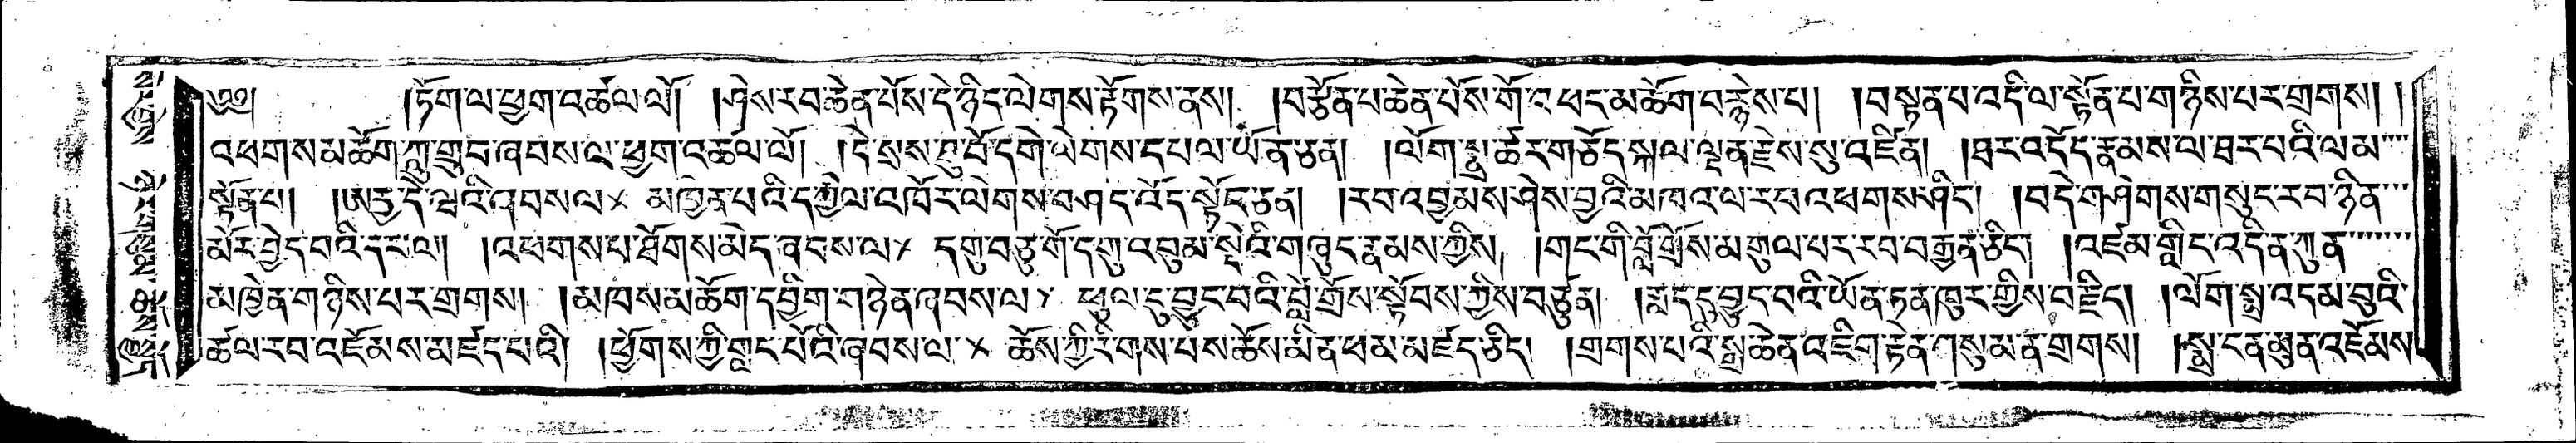༄༅། །ཏོག་ལ་ཕྱག་འཚལ་ལོ། །ཤེས་རབ་ཆེན་པོས་དེ་ཉིད་ལེགས་རྟོགས་ནས། །བརྩོན་པ་ཆེན་པོས་གོ་འཕང་མཆོག་བརྙེས་པ། །བསྟན་པ་འདི་ལ་སྟོན་པ་གཉིས་པར་གྲགས། །
འཕགས་མཆོག་ཀླུ་གྲུབ་ཞབས་ལ་ཕྱག་འཚལ་ལོ། །དེ་སྲས་ཐུ་བོ་དགེ་ལེགས་དཔལ་ཡོན་ཅན། །ལོག་སྨྲ་ཚར་གཅོད་སྐལ་ལྡན་རྗེས་སུ་འཛིན། །ཐར་འདོད་རྣམས་ལ་ཐར་པའི་ལམ་
སྟོན་པ། །ཨརྱ་དེ་ཝའི་ཞབས་ལ་{྾}་མཁྱེན་པའི་དཀྱིལ་འཁོར་ལེགས་བཤད་འོད་སྟོང་ཅན། །རབ་འབྱམས་ཤེས་བྱའི་མཁའ་ལ་རབ་འཕགས་ཤིང་། །བདེ་གཤེགས་གསུང་རབ་ཉིན་
མོར་བྱེད་པའི་དཔལ། །འཕགས་པ་ཐོགས་མེད་ཞབས་ལ་{྾}་དགུ་བཅུ་གོ་དགུ་འབུམ་སྡེའི་གཞུང་རྣམས་ཀྱིས། །གང་གི་བློ་གྲོས་མགུལ་པར་རབ་བརྒྱན་ཅིང་། །འཛམ་གླིང་འདི་ན་ཀུན་
མཁྱེན་གཉིས་པར་གྲགས། །མཁས་མཆོག་དབྱིག་གཉེན་ཞབས་ལ་{྾}་ཕུལ་དུ་བྱུང་བའི་བློ་གྲོས་སྟོབས་ཀྱིས་བཙུན། །རྨད་དུ་བྱུང་བའི་ཡོན་ཏན་ཁུར་གྱིས་བརྗིད། །ལོག་སྨྲ་འདམ་བུའི་
ཚལ་རབ་འཇོམས་མཛད་པའི། །ཕྱོགས་ཀྱི་གླང་པོའི་ཞབས་ལ་{྾}་ཆོས་ཀྱི་རིགས་པས་ཆོས་མིན་ཕམ་མཛད་ཅིང་། །གྲགས་པའི་སྒྲ་ཆེན་འཇིག་རྟེན་གསུམ་ན་གྲགས། །སྨྲ་ངན་མུན་འཇོམས་